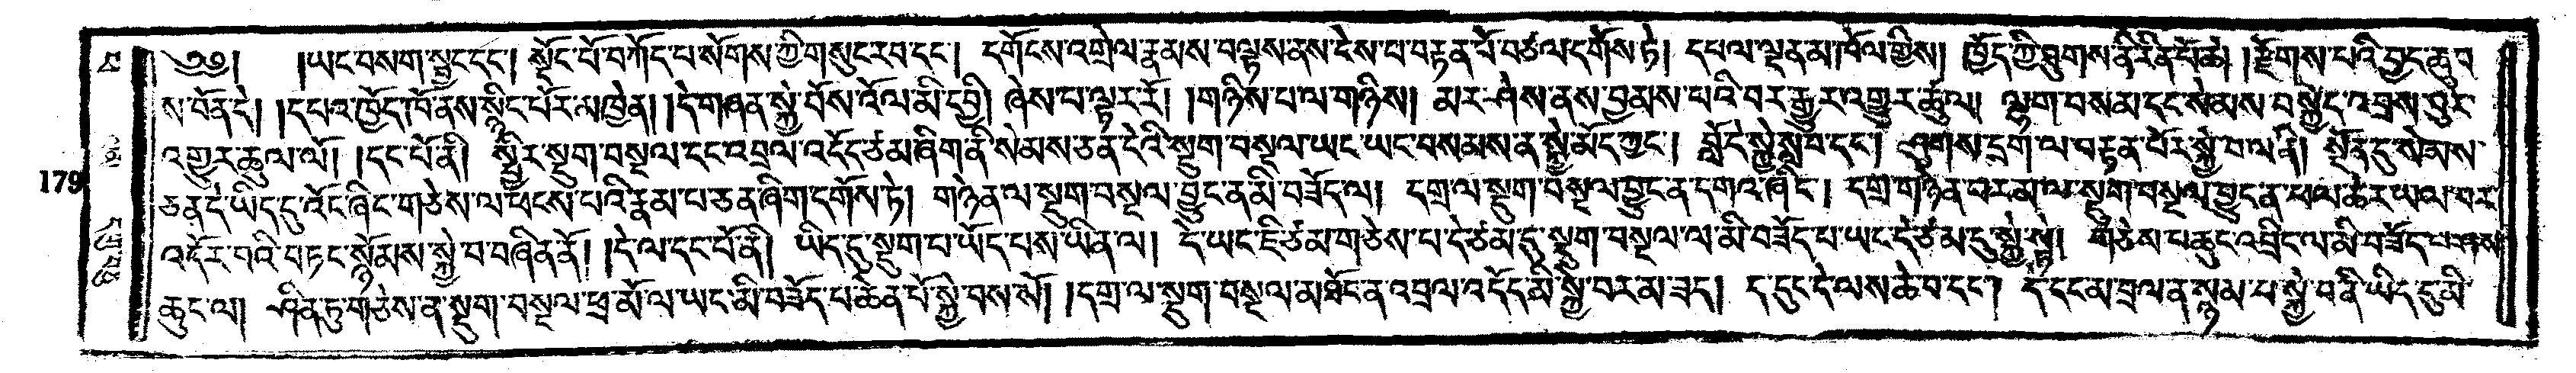༄༅། །ཡང་བསག་སྦྱང་དང་། སྡོང་པོ་བཀོད་པ་སོགས་ཀྱི་གསུང་རབ་དང་། དགོངས་འགྲེལ་རྣམས་བལྟས་ནས་ངེས་པ་བརྟན་པོ་བཙལ་དགོས་ཏེ། དཔལ་ལྡན་མ་ཁོལ་གྱིས། ཁྱོད་ཀྱི་ཐུགས་ནི་རིན་པོ་ཆེ། །རྫོགས་པའི་བྱང་ཆུབ་
ས་བོན་དེ། །དཔའ་ཁྱོད་ཁོ་ནས་སྙིང་པོར་མཁྱེན། །དེ་གཞན་སྐྱེ་བོས་འོལ་མི་དབྱི། ཞེས་པ་ལྟར་རོ། །གཉིས་པ་ལ་གཉིས། མར་ཤེས་ནས་བྱམས་པའི་བར་རྒྱུར་འགྱུར་ཚུལ། ལྷག་བསམ་དང་སེམས་བསྐྱེད་འབྲས་བུར་
འགྱུར་ཆུལ་ལོ། །དང་པོ་ནི། སྤྱིར་སྡུག་བསྔལ་དང་འབྲལ་འདོད་ཙམ་ཞིག་ནི་སེམས་ཅན་དེའི་སྡུག་བསྔལ་ཡང་ཡང་བསམས་ན་སྐྱེ་མོད་ཀྱང་། བློ་དེ་སྐྱེ་སླ་བ་དང་།ཤུགས་དྲག་ལ་བརྟན་པོར་སྐྱེ་བ་ལ་ནི། སྔོན་དུ་སེམས་
ཅན་དེ་ཡིད་དུ་འོང་ཞིང་གཅེས་ལ་ཕངས་པའི་རྣམ་པ་ཅན་ཞིག་དགོས་ཏེ། གཉེན་ལ་སྡུག་བསྔལ་བྱུང་ན་མི་བཟོད་ལ། དགྲ་ལ་སྡུག་བསྔལ་བྱུང་ན་དགའ་ཞིང་། དགྲ་གཉེན་བར་མ་ལ་སྡུག་བསྔལ་བྱུང་ན་ཕལ་ཆེར་ཡལ་བར་
འདོར་བའི་བཏང་སྙོམས་སྐྱེ་བ་བཞིན་ནོ། །དེ་ལ་དང་པོ་ནི། ཡིད་དུ་སྡུག་པ་ཡོད་པས་ཡིན་ལ། དེ་ཡང་ཇི་ཙམ་གཅེས་པ་དེ་ཙམ་དུ་སྡུག་བསྔལ་ལ་མི་བཟོད་པ་ཡང་དེ་ཙམ་དུ་སྐྱེ་སྟེ། གཅེས་པ་ཆུང་འབྲིང་ལ་མི་བཟོད་བ་ཤས་
ཆུང་ལ། ཤིན་ཏུ་གཅེས་ན་སྡུག་བསྔལ་ཕྲ་མོ་ལ་ཡང་མི་བཟོད་པ་ཆེན་པོ་སྐྱེ་བས་སོ། །དགྲ་ལ་སྡུག་བསྔལ་མཐོང་ན་འབྲལ་འདོད་མི་སྐྱེ་བར་མ་ཟད། ད་དུང་དེ་ལས་ཆེ་བ་དང་། དེ་དང་མ་བྲལ་ན་སྙམ་པ་སྐྱེ་བ་ནི་ཡིད་དུ་མི་